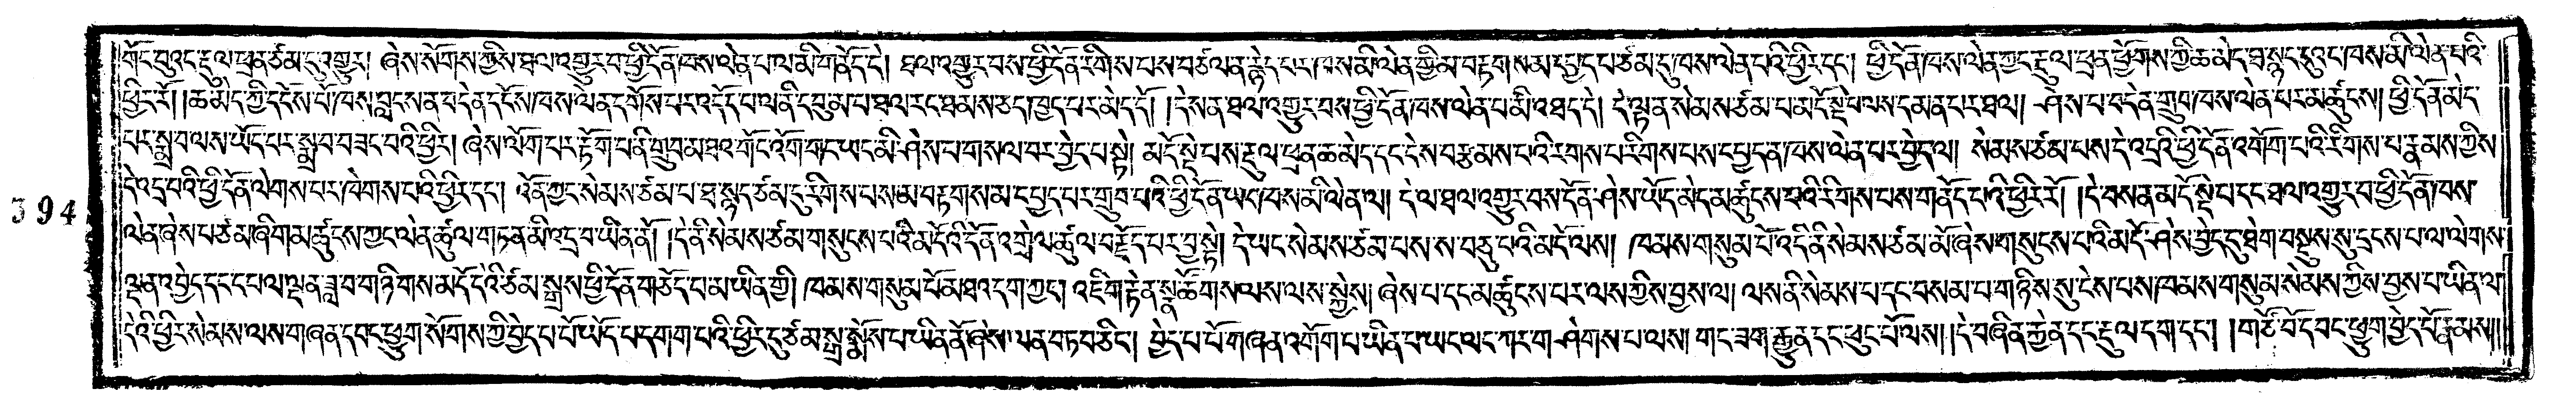གོང་བུའང་རྡུལ་ཕྲན་ཙམ་དུ་འགྱུར། ཞེས་སོགས་ཀྱིས་ཐལ་འགྱུར་བ་ཕྱི་དོན་ཁས་ལེན་པ་ལ་མི་གནོད་དེ། ཐལ་འགྱུར་བས་ཕྱི་དོན་རིགས་པས་བཙལ་ན་རྙེད་པར་ཁས་མི་ལེན་གྱི་མ་བརྟགས་མ་དཔྱད་པ་ཙམ་དུ་ཁས་ལེན་པའི་ཕྱིར་དང་། ཕྱི་དོན་ཁས་ལེན་ཀྱང་རྡུལ་ཕྲན་ཕྱོགས་ཀྱི་ཆ་མེད་ཐ་སྙད་དུའང་ཁས་མི་ལེན་པའི་
ཕྱིར་རོ། །ཆ་མེད་ཀྱི་དངོས་པོ་ཁས་བླངས་ན་བདེན་དངོས་ཁས་ལེན་དགོས་པར་འདོད་པ་ལ་ནི་དབུ་མ་པ་ཐལ་རང་ཐམས་ཅད་ཁྱད་པར་མེད་དོ། །དེས་ན་ཐལ་འགྱུར་བས་ཕྱི་དོན་ཁས་ལེན་པ་མི་འཐད་དེ། དེ་ལྟ་ན་སེམས་ཙམ་པ་མདོ་སྡེ་པ་ལས་དམན་པར་ཐལ། ཤེས་པ་བདེན་གྲུབ་ཁས་ལེན་པར་མཚུངས། ཕྱི་དོན་མེད་
པར་སྨྲ་བ་ལས་ཡོད་པར་སྨྲ་བ་བཟང་བའི་ཕྱིར། ཞེས་ལོག་པར་རྟོག་པ་ནི་གྲུབ་མཐའ་གོང་འོག་གང་ཡང་མི་ཤེས་པ་གསལ་བར་བྱེད་པ་སྟེ། མདོ་སྡེ་པས་རྡུལ་ཕྲན་ཆ་མེད་དང་ངེས་བརྩམས་པའི་རགས་པ་རིགས་པས་དཔྱད་ན་ཁས་ལེན་པར་བྱེད་ལ། སེམས་ཙམ་པས་དེ་འདྲའི་ཕྱི་དོན་འགོག་པའི་རིགས་པ་རྣམས་ཀྱིས་
དེ་འདྲ་བའི་ཕྱི་དོན་ལེགས་པར་ཁེགས་པའི་ཕྱིར་དང་། འོན་ཀྱང་སེམས་ཙམ་པ་ཐ་སྙད་ཙམ་དུ་རིགས་པས་མ་བརྟགས་མ་དཔྱད་པར་གྲུབ་པའི་ཕྱི་དོན་ཡང་ཁས་མི་ལེན་ལ། དེ་ལ་ཐལ་འགྱུར་བས་དོན་ཤེས་ཡོད་མེད་མཚུངས་པའི་རིགས་བས་གནོད་པའི་ཕྱིར་རོ། །དེ་བས་ན་མདོ་སྡེ་པ་དང་ཐལ་འགྱུར་བ་ཕྱི་དོན་ཁས་
ལེན་ཞེས་པ་ཙམ་ཞིག་མཚུངས་ཀྱང་ལེན་ཚུལ་གཏན་མི་འདྲ་བ་ཡིན་ནོ། །དེ་ནི་སེམས་ཙམ་གསུངས་པའི་མདོའི་དོན་འགྲེལ་ཚུལ་བརྗོད་པར་བྱ་སྟེ། དེ་ཡང་སེམས་ཙམ་པས་ས་བཅུ་པའི་མདོ་ལས། ཁམས་གསུམ་པོ་འདི་ནི་སེམས་ཙམ་མོ་ཞེས་གསུངས་པའི་མདོ་ཤེས་བྱེད་དུ་ཐེག་བསྡུས་སུ་དྲངས་པ་ལ་ལེགས་
ལྡན་འབྱེད་དང་དཔལ་ལྡན་ཟླ་བ་གཉི་གས་མདོ་དེའི་ཙམ་སྒྲས་ཕྱི་དོན་གཅོད་པ་མ་ཡིན་གྱི། ཁམས་གསུམ་པོ་མཐའ་དག་ཀྱང་། འཇིག་རྟེན་སྣ་ཚོགས་ལས་ལས་སྐྱེས། ཞེས་པ་དང་མཚུངས་པར་ལས་ཀྱིས་བྱས་ལ། ལས་ནི་སེམས་པ་དང་བསམ་པ་གཉིས་སུ་ངེས་པས་ཁམས་གསུམ་སེམས་ཀྱིས་བྱས་པ་ཡིན་ལ་
དེའི་ཕྱིར་སེམས་ལས་གཞན་དབང་ཕྱུག་སོགས་ཀྱི་བྱེད་པ་པོ་ཡོད་པ་དགག་པའི་ཕྱིར་དུ་ཙམ་སྒྲ་སྨོས་པ་ཡིན་ནོ་ཞེས་ལན་བཏབ་ཅིང་། བྱེད་པ་པོ་གཞན་འགོག་པ་ཡིན་པ་ཡང་ལང་ཀར་གཤེགས་པ་ལས། གང་ཟག་རྒྱུན་དང་ཕུང་པོ་ལས། །དེ་བཞིན་རྐྱེན་དང་རྡུལ་དག་དང་། །གཙོ་བོ་དབང་ཕྱུག་བྱེད་པོ་རྣམས།།